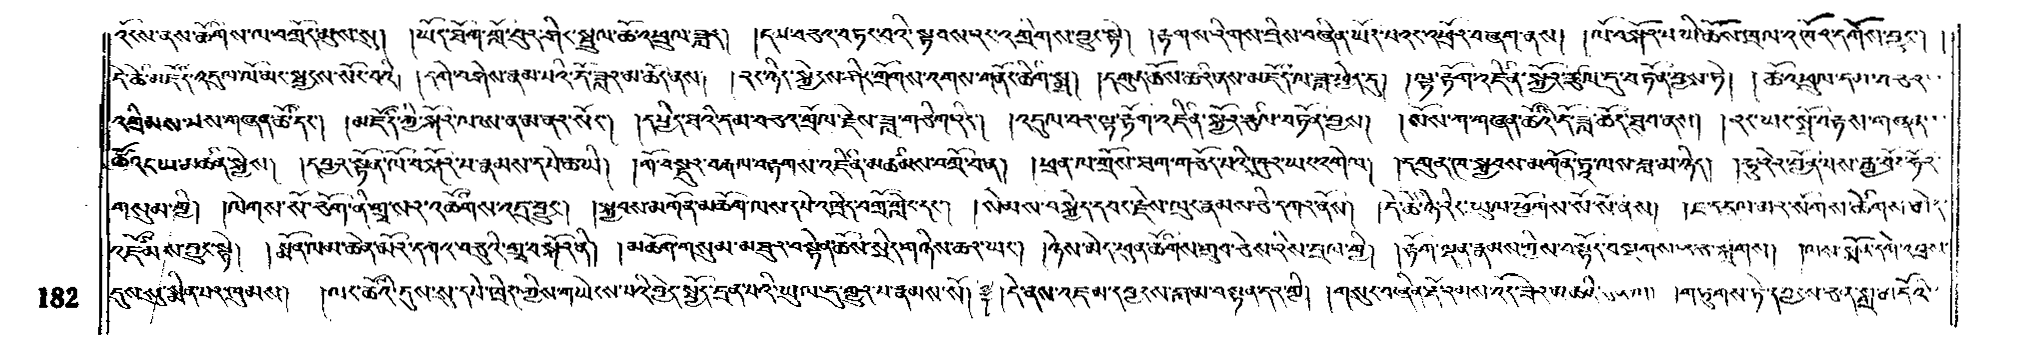འོངས་ནས་ཚོགས་ལ་བགྲོད་མུས་སུ། །ཡོད་ཐོག་གློ་བུར་ཤིང་སྦྲུལ་ཆོ་འཕྲུལ་ཟླར། །དམ་བཅའ་བཏང་བའི་སྟབས་རང་འགྲིགས་བྱུང་སྟེ། །རྟགས་རིགས་བྲིས་བཞིན་ཡོད་པའང་འཕྲོར་བཞག་ནས། །ལོ་བསྐོར་པ་ཡི་ཆོས་ཁྲལ་འཁོར་དགོས་བྱུང་། །
དེ་ཚེ་མཛོད་འདུལ་ལོ་མང་སྦྱངས་སོང་བའི། །དགེ་བཤེས་རྣམ་པའི་དོ་ཟླར་མ་ཆོད་ནས། །རང་ཉིད་སྐྱེངས་ཤིང་གྲོགས་འགས་གནོང་ཚིག་སྨྲ། །དགུན་ཆོས་ཚར་ནས་མཛོད་ལ་ཟླ་ཕྱེད་དུ། །ལྟ་རྟོག་འཛིན་སྐྱོར་རྩལ་དུ་བཏོན་བྱས་ཏེ། །ཆོ་འཕྲུལ་དམ་བཅར་
འགྲིམས་པས་གཞན་ཚོ་དང་། །མཛོད་ཀྱི་སྐོར་ལ་ཨ་ན་མ་ནར་སོང་། །དཔྱིད་ཐའི་དམ་བཅའ་གྲོལ་རྗེས་ཟླ་གཅིག་རིང་། །འདུལ་བར་ལྟ་རྟོག་འཛིན་སྐྱོར་རྩལ་བཏོན་བྱས། །སོས་ཀ་གཞན་ཚོའི་དོ་ཟླ་ཆོད་ཐུབ་ནས། །རང་ཡང་སྤྲོ་བརྟས་གཞན་
ཚོའང་ཡ་མཚན་སྐྱེས། །དབྱར་སྟོན་ལོ་བསྐོར་བ་རྣམས་དཔེ་ཆ་ཡི། །གོ་བསྡུར་བརྒལ་བརྟགས་འཛིན་མཚམས་བགྲོ་བ་ན། །ཕྲན་ལ་གྲོས་ཐག་གཅོད་པའི་ཁུར་ཡང་འགེལ། །དགུན་ཁ་སྐྱབས་མགོན་ཏཱ་ལས་བླ་མ་ཉིད། །ཧུ་རེར་བྱོན་པས་རྒྱ་བོང་ཧོར་
གསུམ་གྱི། །ལེགས་སོ་ཅོག་ནི་གྲྭ་སར་འཚོགས་འདྲ་བྱུང་། །སྐྱབས་མགོན་མཆོག་ལས་དཔེ་འཁྲིད་བགྲོ་གླེང་དང་། །སེམས་བསྐྱེད་དབང་རྗེས་ལུང་རྣམས་ཅི་དགར་ནོས། །དེ་ཚེ་ཉེ་རིང་ཡུལ་ཕྱོགས་སོ་སོ་ནས། །ཇ་དངུལ་མར་སོགས་ཚེགས་མེད་
འཛོམས་བྱུང་སྟེ། །སྨོན་ལམ་ཆེན་མོར་དཀའ་བཅུའི་གྲྭ་བསྐོར་ནི། །མཆོག་གསུམ་མཐུར་བསྟེན་ཆོས་སྲིད་གཉིས་ཆར་ཡང་། །ཉེས་མེད་ཕུན་ཚོགས་གྲུབ་ཅེས་རིས་བྲལ་གྱི། །རྟོག་ལྡན་རྣམས་ཀྱིས་བསྟོད་བསྔགས་ཅ་ཅ?་སྒྲགས། །ལས་སྨོན་དགེ་འབྲས་
དུས་སུ་སྨིན་པར་ཁུམས། །ལང་ཚོའི་དུས་སུ་དཔེ་ཁྲིད་ཀྱིས་གཡེངས་པའི་བྱེད་སྤྱོད་དྲན་པའི་ཡུལ་དུ་གྱུར་པ་རྣམས་སོ། ༈ །དེ་ནས་འཇམ་དབྱངས་བླ་མ་བསྟན་དར་གྱི། །གསུང་བཞིན་རྡོ་རམས་འོད་ཟེར་མཚན་ཅན?་ལ། །གཏུགས་ཏེ་དབྱངས་ཅན་སྒྲ་མདོའི་